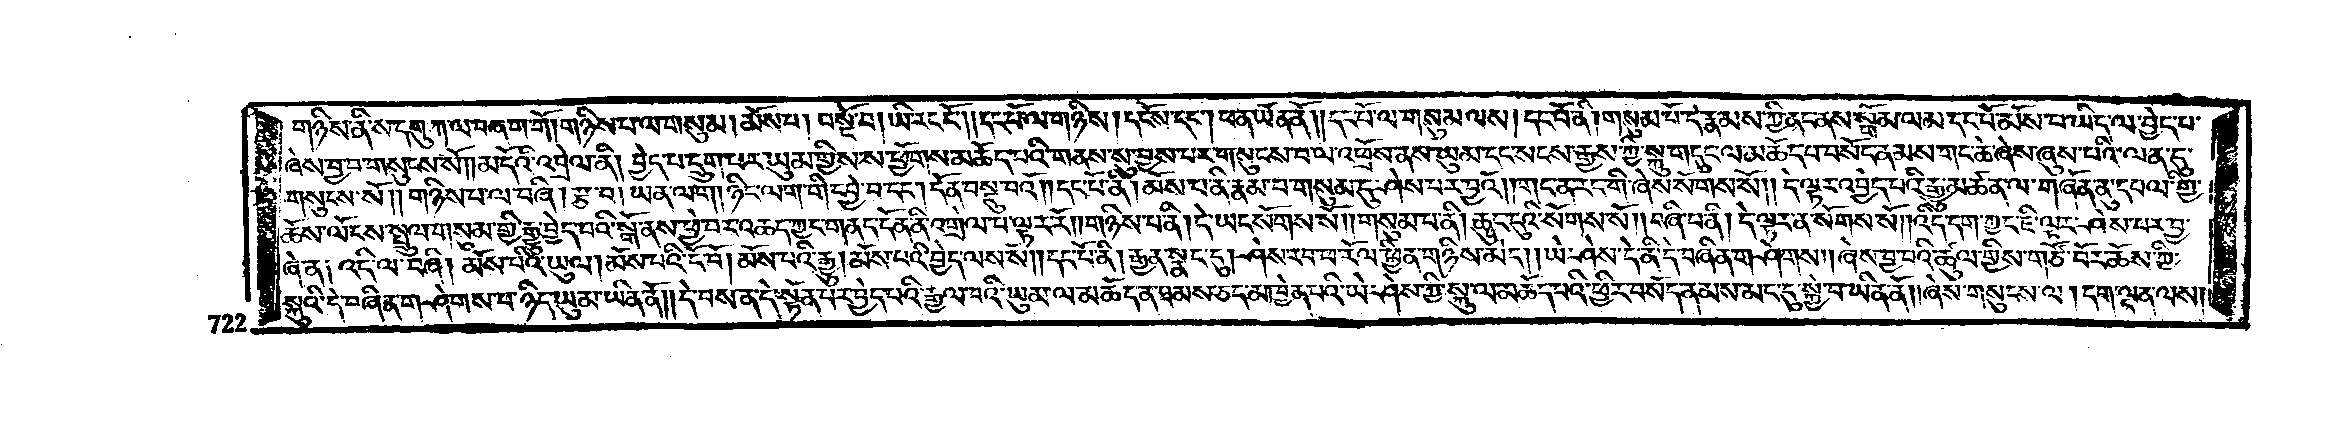གཉིས་ནི་ས་དགུ་ཀ་ལ་བཞག་གོ །གཉིས་པ་ལ་གསུམ། མོས་པ། བསྔོ་བ། ཡི་རང་ངོ། །དང་པོ་ལ་གཉིས། དངོས་དང་། ཕན་ཡོན་ནོ། །དང་པོ་ལ་གསུམ་ལས། དང་པོ་ནི། གསུམ་པོ་དེ་རྣམས་ཀྱི་ནང་ནས་སྒོམ་ལམ་དང་པོ་མོས་པ་ཡིད་ལ་བྱེད་པ་
ཞེས་བྱ་བ་གསུངས་སོ། །མདོའི་འབྲེལ་ནི། བྱེད་པ་དྲུག་པར་ཡུམ་གྱིས་ས་ཕྱོགས་མཆོད་པའི་གནས་སུ་བྱས་པར་གསུངས་པ་ལ་འཕྲོས་ནས་ཡུམ་དང་སངས་རྒྱས་ཀྱི་སྐུ་གདུང་ལ་མཆོད་པ་བསོད་ནམས་གང་ཆེ་ཞེས་ཞུས་པའི་ལན་དུ་
གསུངས་སོ། །གཉིས་པ་ལ་བཞི། རྩ་བ། ཡན་ལག །ཉིང་ལག་གི་དབྱེ་བ་དང་། དོན་བསྡུ་བའོ། །དང་པོ་ནི། མོས་པ་ནི་རྣམ་པ་གསུམ་དུ་ཤེས་པར་བྱའོ། །གང་ན་རང་གི་ཞེས་སོགས་སོ། །དེ་ལྟར་འབྱེད་པའི་རྒྱུ་མཚན་ལ་གཞོན་ནུ་དཔལ་གྱི་
ཆོས་ལོངས་སྤྲུལ་གསུམ་གྱི་རྒྱུ་བྱེད་པའི་སྒོ་ནས་ཕྱེ་བར་འཆད་ཀྱང་གནད་དོན་ནི་འགྲེལ་པ་ལྟར་རོ། །གཉིས་པ་ནི། དེ་ཡང་སོགས་སོ། །གསུམ་པ་ནི། ཆུང་ངུའི་སོགས་སོ། །བཞི་པ་ནི། དེ་ལྟར་ན་སོགས་སོ། །འདི་དག་ཀྱང་ཇི་ལྟར་ཤེས་པར་བྱ་
ཞེ་ན༑ འདི་ལ་བཞི། མོས་པའི་ཡུལ། མོས་པའི་ངོ་བོ། མོས་པའི་རྒྱུ། མོས་པའི་བྱེད་ལས་སོ། །དང་པོ་ནི། རྒྱན་སྣང་དུ། ཤེས་རབ་ཕ་རོལ་ཕྱིན་གཉིས་མེད། །ཡེ་ཤེས་དེ་ནི་དེ་བཞིན་གཤེགས། །ཞེས་བྱ་བའི་ཚུལ་གྱིས་གཙོ་བོར་ཆོས་ཀྱི་
སྐུའི་དེ་བཞིན་གཤེགས་པ་ཉིད་ཡུམ་ཡིན་ནོ། །དེ་བས་ན་དེ་སྟོན་པར་བྱེད་པའི་རྒྱལ་བའི་ཡུམ་ལ་མཆོད་ན་ཐམས་ཅད་མཁྱེན་པའི་ཡེ་ཤེས་ཀྱི་སྐུ་ལ་མཆོད་པའི་ཕྱིར་བསོད་ནམས་མང་དུ་སྐྱེ་བ་ཡིན་ནོ། །ཞེས་གསུངས་ལ། དག་ལྡན་ལས།